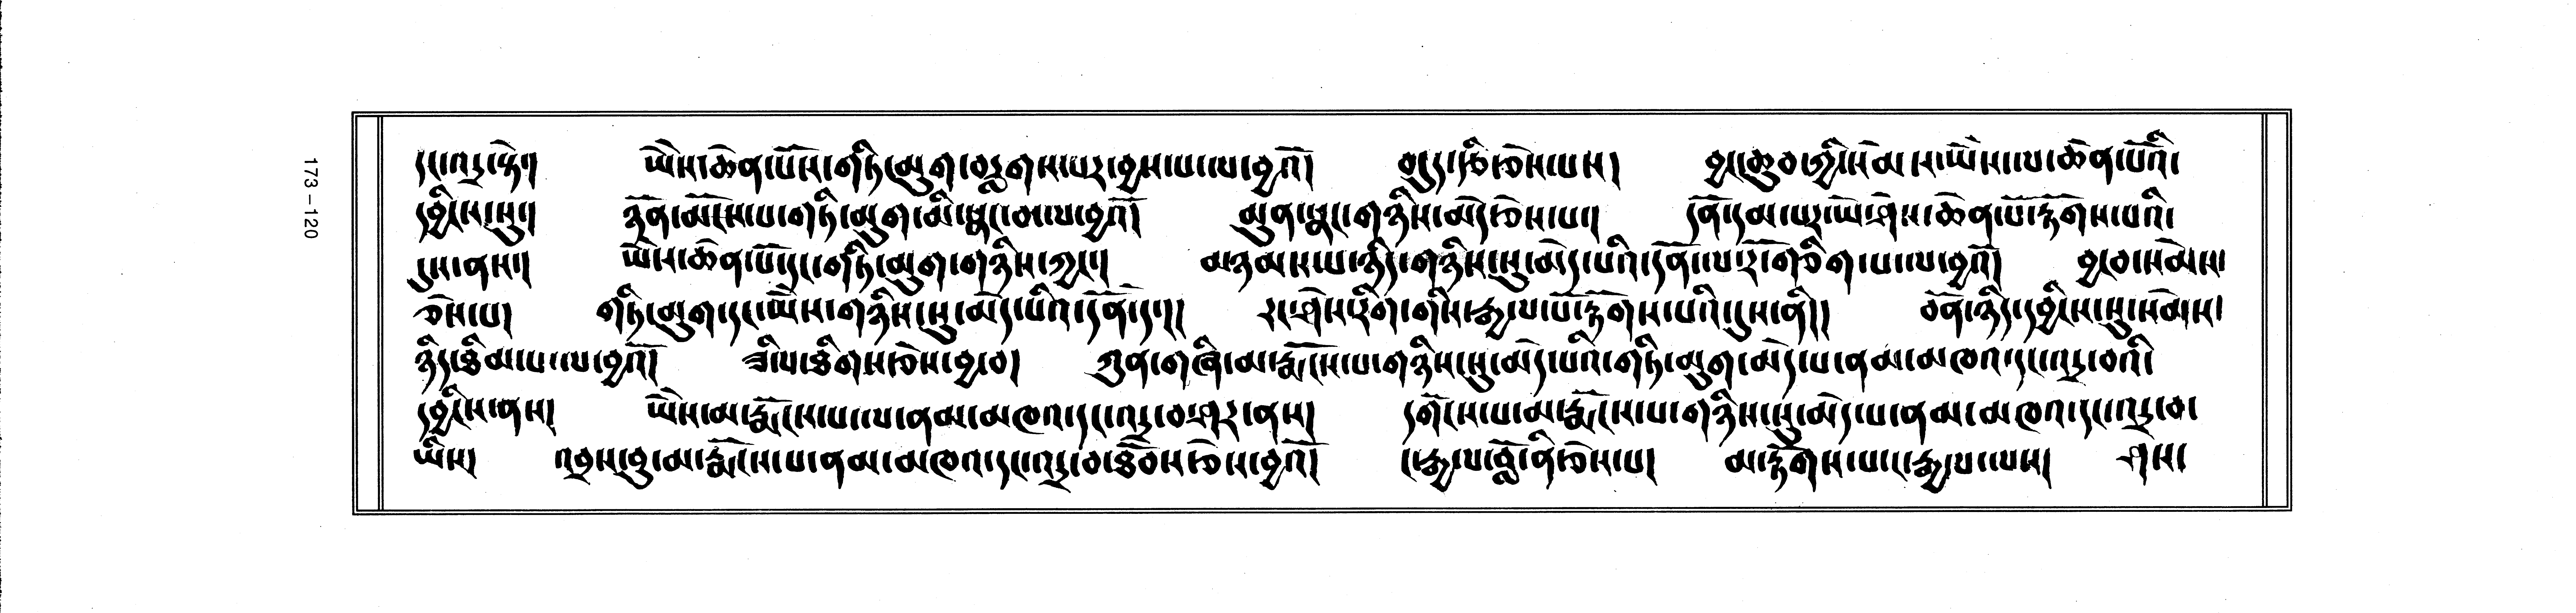དང་འདྲ་སྟེ། ཡེ་ཤེས་ཆེན་པོས་གཏི་མུག་བརླག་པར་བྱས་པ་ལ་བྱའོ། །བདུད་རྩི་ཅེས་པས། བྱང་ཆུབ་ཀྱི་སེམས་ཡེ་ཤེས་ལ་ཆེན་པོའི་
དབྱིངས་སུ། ཉོན་མོངས་པ་གཏི་མུག་མི་སྣང་བ་ལ་བྱའོ། །མུན་སྣང་གཉིས་མེད་ཅེས་པ། དོན་དམ་པར་ཡེ་ཤེས་ཆེན་པོ་རྟོགས་པའི་
དུས་ན། ཡེ་ཤེས་ཆེན་པོ་དང་གཏི་མུག་གཉིས་ཀྱང་། མཉམ་པ་ཉིད་གཉིས་སུ་མེད་པའི་དོན་ལ་རོ་གཅིག་པ་ལ་བྱའོ། །བྱང་ཆུབ་སེམས་
ཅེས་པ། གཏི་མུག་དང་ཡེ་ཤེས་གཉིས་སུ་མེད་པའི་དོན་དེ། རང་ཤེས་རིག་གི་རྒྱལ་པོ་རྟོགས་པའི་དུས་ནི། བོན་ཉིད་དབྱིངས་སུ་སེམས་
ཉིད་ཐིམ་པ་ལ་བྱའོ། །ཟིལ་ཐིགས་ཅེས་བྱ་བ། ཀུན་གཞི་མ་རྨོངས་པ་གཉིས་སུ་མེད་པའི་གཏི་མུག་མེད་པ་ནམ་མཁའ་དང་འདྲ་བའི་
དབྱིངས་ནས། ཡེ་ཤེས་མ་རྨོངས་པ་ལ་ནམ་མཁའ་དང་འདྲ་བ་ཤར་ནས། དགོངས་པ་མ་རྨོངས་པ་གཉིས་སུ་མེད་པ་ནམ་མཁའ་དང་འདྲ་བ་
ཡིས། འབྲས་བུ་མ་རྨོངས་པ་ནམ་མཁའ་དང་འདྲ་བ་ཐོབ་ཅེས་བྱའོ། །ང་རྒྱལ་བློ་ནི་ཅེས་པས། མ་རྟོགས་པ་ང་རྒྱལ་ལས། ཤེས་